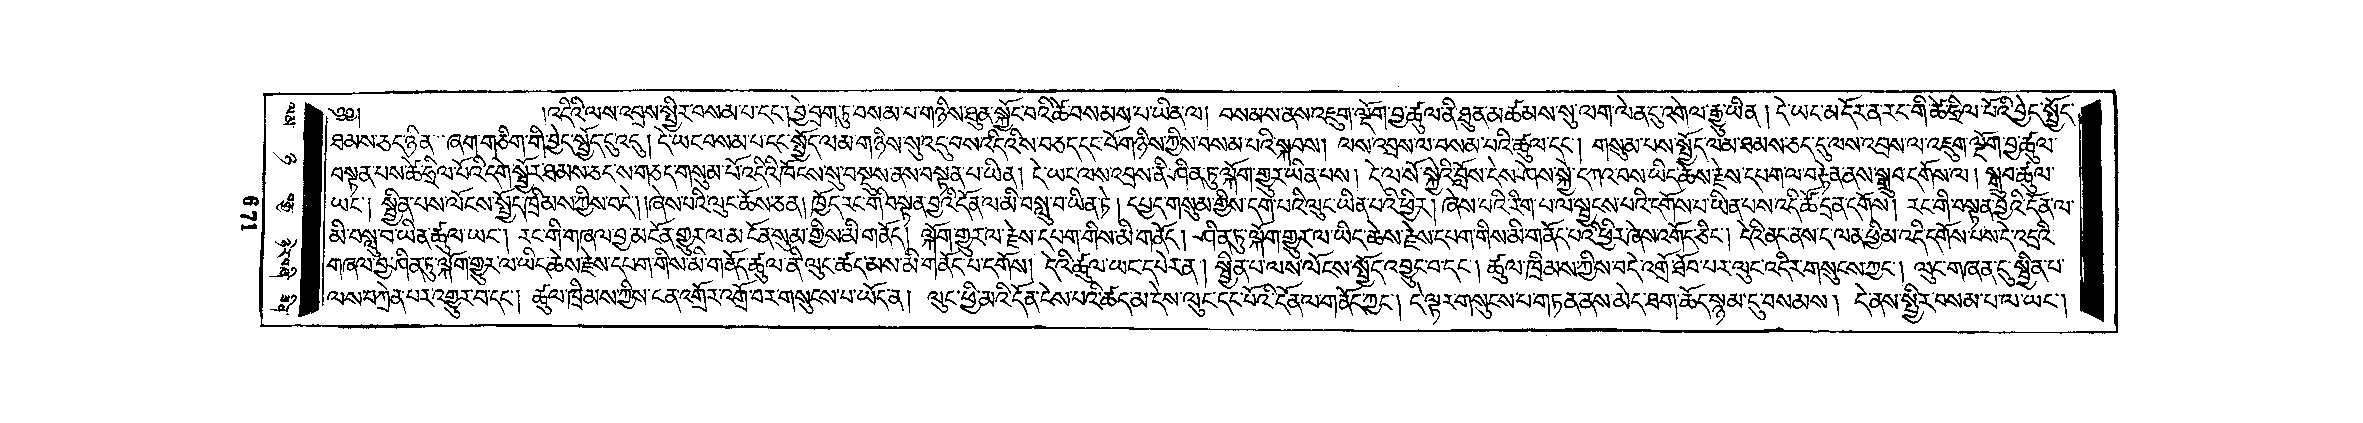༄༅། །འདིའི་ལས་འབྲས་སྤྱིར་བསམ་པ་དང་། བྱེ་བྲག་ཏུ་བསམ་པ་གཉིས་ཐུན་སྐྱོང་བའི་ཚེ་བསམས་པ་ཡིན་ལ། བསམས་ནས་འཇུག་ལྡོག་བྱ་ཚུལ་ནི་ཐུན་མཚམས་སུ་ལག་ལེན་དུ་འགེལ་རྒྱུ་ཡིན། དེ་ཡང་མདོར་ན་རང་གི་ཚེ་ཧྲིལ་པོའི་བྱེད་སྤྱོད་
ཐམས་ཅད་ཉིན་ཞག་གཅིག་གི་བྱེད་སྤྱོད་དུ་འདུ། དེ་ཡང་བསམ་པ་དང་སྤྱོད་ལམ་གཉིས་སུ་འདུ་བས་འདིའི་ས་བཅད་དང་པོ་གཉིས་ཀྱིས་བསམ་པའི་སྐབས། ལས་འབྲས་ལ་བསམ་པའི་ཚུལ་དང་། གསུམ་པས་སྤྱོད་ལམ་ཐམས་ཅད་དུ་ལས་འབྲས་ལ་འཇུག་ལྡོག་བྱ་ཚུལ་
བསྟན་པས་ཚེ་ཧྲིལ་པོའི་དགེ་སྦྱོར་ཐམས་ཅད་ས་གཅད་གསུམ་པོ་འདིའི་ཁོངས་སུ་བསྡུས་ནས་བསྟན་པ་ཡིན། དེ་ཡང་ལས་འབྲས་ནི་ཤིན་ཏུ་ལྐོག་གྱུར་ཡིན་པས། དེ་ལ་སོ་སྐྱེའི་བློས་དེས་ཤེས་སྐྱེ་དཀའ་བས་ཡིད་ཆེས་རྗེས་དཔག་ལ་བརྟེན་ནས་སྒྲུབ་དགོས་ལ། སྒྲུབ་ཚུལ་
ཡང་། སྦྱིན་པས་ལོངས་སྤྱོད་ཁྲིམས་ཀྱིས་བདེ། །ཞེས་པའི་ལུང་ཆོས་ཅན། ཁྱོད་རང་གི་བསྟན་བྱའི་དོན་ལ་མི་བསླུ་བ་ཡིན་ཏེ། དཔྱད་གསུམ་གྱིས་དག་པའི་ལུང་ཡིན་པའི་ཕྱིར། ཞེས་པའི་རིག་པ་ལ་སྦྱངས་པའི་དགོས་པ་ཡིན་པས་འདི་ཚོ་དྲན་དགོས། རང་གི་བསྟན་བྱའི་དོན་ལ་
མི་བསླུ་བ་ཡིན་ཚུལ་ཡང་། རང་གི་གཞལ་བྱ་མངོན་གྱུར་ལ་མངོན་སུམ་གྱིས་མི་གནོད། ལྐོག་གྱུར་ལ་རྗེས་དཔག་གིས་མི་གནོད། ཤིན་ཏུ་ལྐོག་གྱུར་ལ་ཡིད་ཆེས་རྗེས་དཔག་གིས་མི་གནོད་པའི་ཕྱིར་ཞེས་འགོད་ཅིང་། དེའི་ནང་ནས་ད་ལན་ཕྱི་མ་འདི་དགོས་པས་དེ་འདྲའི་
གཞལ་བྱ་ཤིན་ཏུ་ལྐོག་གྱུར་ལ་ཡིད་ཆེས་རྗེས་དཔག་གིས་མི་གནོད་ཚུལ་ནི་ལུང་ཚད་མས་མི་གནོད་པ་དགོས། དེའི་ཚུལ་ཡང་དཔེར་ན། སྦྱིན་པ་ལས་ལོངས་སྤྱོད་འབྱུང་བ་དང་། ཚུལ་ཁྲིམས་ཀྱིས་བདེ་འགྲོ་ཐོབ་པར་ལུང་འདིར་གསུངས་ཀྱང་། ལུང་གཞན་དུ་སྦྱིན་པ་
ལས་བཀྲེན་པར་འགྱུར་བ་དང་། ཚུལ་ཁྲིམས་ཀྱིས་ངན་འགྲོར་འགྲོ་བར་གསུངས་པ་ཡོད་ན། ལུང་ཕྱི་མའི་དོན་ངེས་པའི་ཚད་མ་དེས་ལུང་དང་པོའི་དོན་ལ་གནོད་ཀྱང་། དེ་ལྟར་གསུངས་པ་གཏན་ནས་མེད་ཐག་ཆོད་སྙམ་དུ་བསམས། དེ་ནས་སྤྱིར་བསམ་པ་ལ་ཡང་།